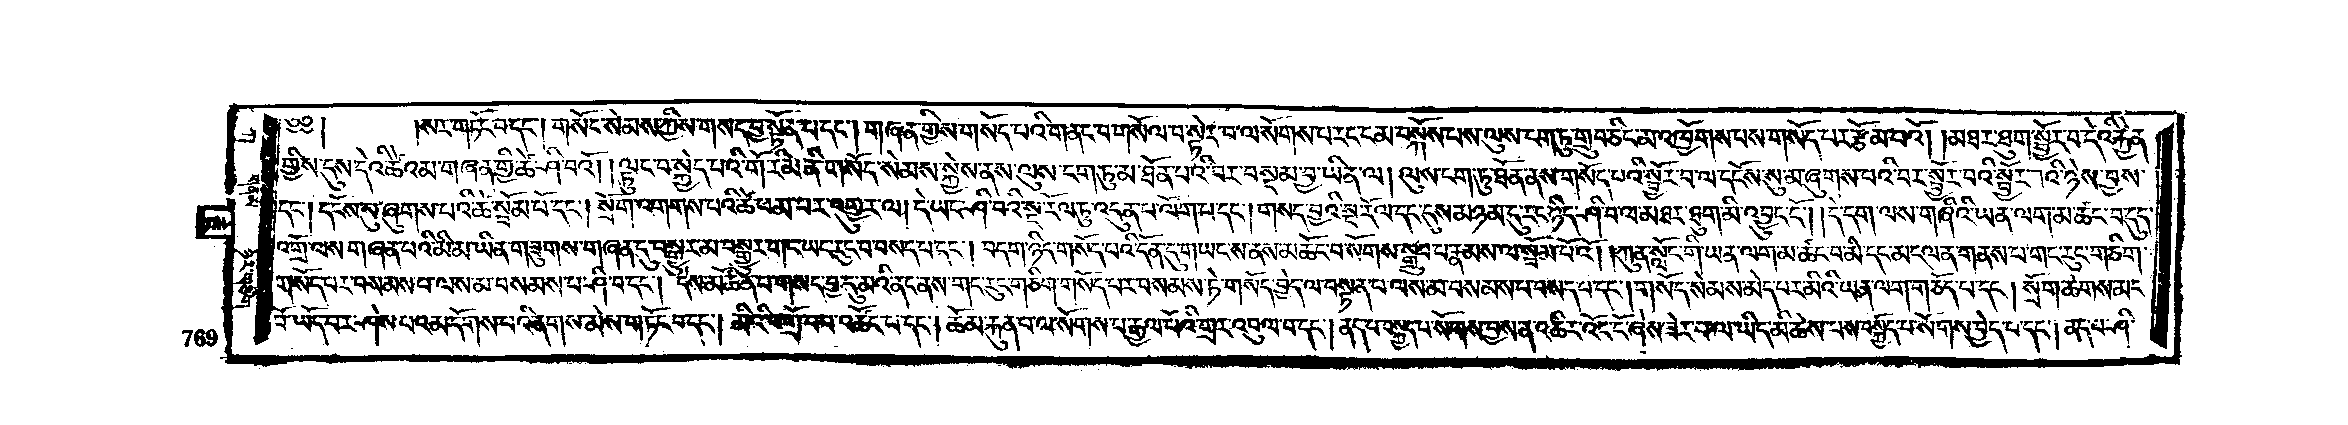༄༅། །སར་གཏོང་བ་དང་། གསོང་སེམས་ཀྱིས་གསད་བྱ་སྟོན་པ་དང་། གཞན་གྱིས་གསོད་པའི་གནང་བ་གསོལ་བ་སྟེར་བ་ལ་སོགས་པ་རང་ངམ་བསྐོས་པས་ལུས་ངག་ཏུ་གྲུབ་ཅིང་མ་འཁྱོགས་པས་གསོད་པར་རྩོམ་པའོ། །མཐར་ཐུག་སྦྱོར་བ་དེའི་རྐྱེན་
གྱིས་དུས་དེའི་ཚེའམ་གཞན་གྱི་ཚེ་ཤི་བའོ། །ལྟུང་བ་སྐྱེད་པའི་གོ་རིམ་ནི་གསོད་སེམས་སྐྱེས་ནས་ལུས་ངག་ཏུ་མ་ཐོན་པའི་བར་བསྡམ་བྱ་ཡིན་ལ། ལུས་ངག་ཏུ་ཐོན་ནས་གསོད་པའི་སྦྱོར་བ་ལ་དངོས་སུ་མ་ཞུགས་པའི་བར་སྦྱོར་བའི་སྦྱོར་བའི་ཉེས་བྱས་
དང་། དངོས་སུ་ཞུགས་པའི་ཚེ་སྦོམ་པོ་དང་། སྲོག་འགགས་པའི་ཚེ་ཕམ་པར་འགྱུར་ལ། དེ་ཡང་ཤི་བའི་སྔ་རོལ་ཏུ་འདུན་པ་ལོག་པ་དང་། གསད་བྱའི་སྔ་རོལ་དང་དུས་མཉམ་དུ་རང་ཉིད་ཤི་བ་ལ་མཐར་ཐུག་མི་འབྱུང་ངོ། །དེ་དག་ལས་གཞིའི་ཡན་ལག་མ་ཚང་བ་དུད་
འགྲོ་ལས་གཞན་པའི་མི་མ་ཡིན་གཟུགས་གཞན་དུ་བསྒྱུར་མ་བསྒྱུར་གང་ཡང་རུང་བ་བསད་པ་དང་། བདག་ཉིད་གསོད་པའི་དོན་དུ་གཡང་ས་ནས་མཆོང་བ་སོགས་སྒྲུབ་པ་རྣམས་ལ་སྦོམ་པོའོ། །ཀུན་སློང་གི་ཡན་ལག་མ་ཚང་བ་མི་དང་མངལ་ན་གནས་པ་གང་རུང་གཅིག་
གསོད་པར་བསམས་པ་ལས་མ་བསམས་པ་ཤི་བ་དང་། དེས་མཚོན་པ་གསད་བྱ་དུ་མའི་ནང་ནས་གང་རུང་གཅིག་གསོད་པར་བསམས་ཏེ་གསོད་བྱེད་ལ་བསྟན་པ་ལས་མ་བསམས་པ་བསད་པ་དང་། གསོད་སེམས་མེད་པར་མིའི་ཡན་ལག་གཅོད་པ་དང་། སྲོག་ཆགས་མང་
པོ་ཡོད་པར་ཤེས་པའམ་དོགས་པའི་ནགས་མེས་གཏོང་བ་དང་། མིའི་འགྲོ་བ་པ་འཚོང་པ་དང་། ཆོམ་རྐུན་པ་ལ་སོགས་པ་རྒྱལ་པོའི་གྲར་འབུལ་བ་དང་། ནད་པ་བསྐྱད་པ་སོགས་བྱས་ན་འཆིར་འོང་ངོ་ཞེས་ཟེར་བ་ལ་ཡིད་མི་ཆེས་པས་བསྐྱོད་པ་སོགས་བྱེད་པ་དང་། ནད་པ་ཤི་